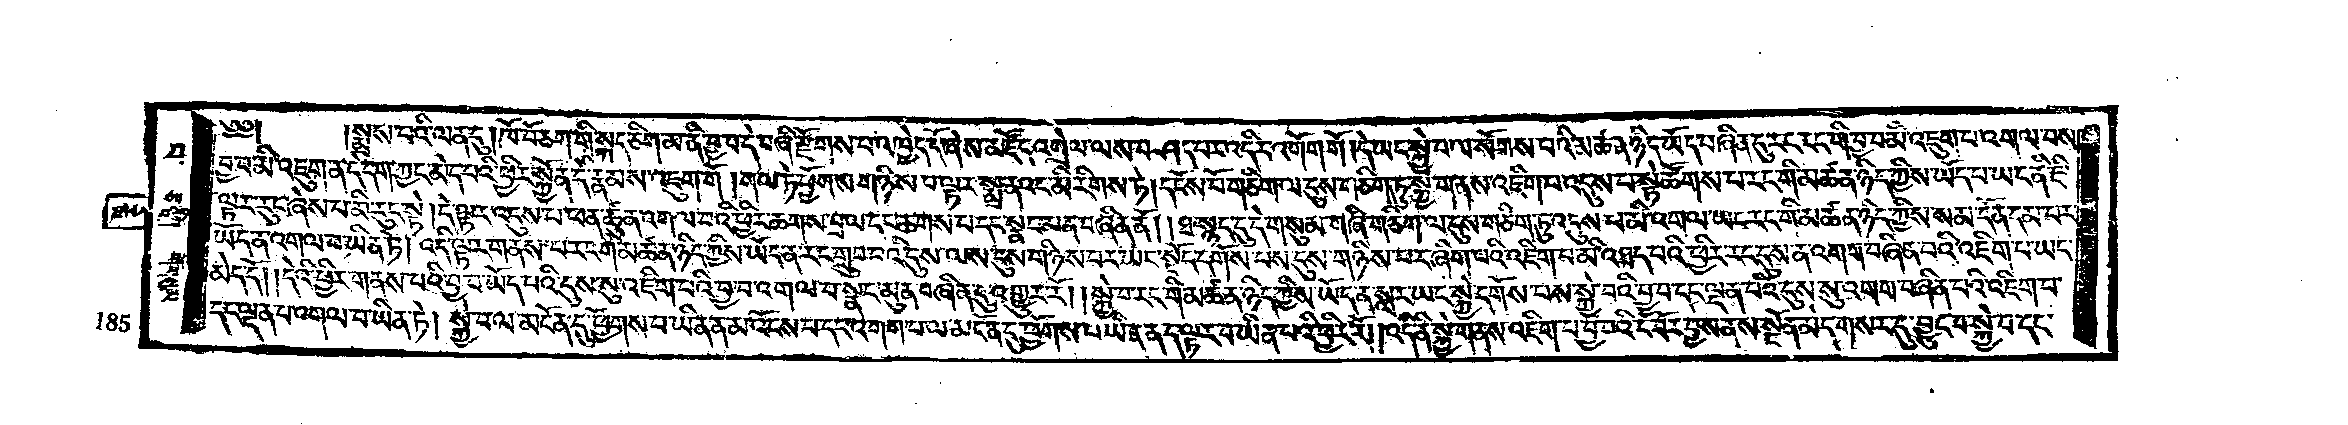༄༅། །སྨྲས་པའི་ལན་དུ། ཁོ་བོ་ཅག་གིས་སྐད་ཅིག་མ་ནི་བྱ་བ་དེ་བཞི་རྫོགས་པ་ལ་བྱེད་དོ་ཞེས་མཛོད་འགྲེལ་ལས་བཤད་པར་འདིར་འགོག་གོ། དེ་ཡང་སྐྱེ་བ་ལ་སོགས་པའི་མཚན་ཉིད་ཡོད་བཞིན་དུ་རང་རང་གི་བྱ་བ་མི་འཇུག་པ་འགལ་བས་
བྱ་བ་མི་འཇུག་ན་དེ་དག་ཀྱང་མེད་པའི་ཕྱིར་སྐྱོན་དེ་རྣམས་འཇུག་གོ །གལ་ཏེ་ཕྱོགས་གཉིས་པ་ལྟར་སྨྲ་ནའང་མི་རིགས་ཏེ། དངོས་པོ་གཅིག་ལ་དུས་གཅིག་ཏུ་སྐྱེ་གནས་འཇིག་པ་འདུས་པ་སྟེ་ཚོགས་པ་རང་གི་མཚན་ཉིད་ཀྱིས་ཡོད་པ་ཡང་ནི་ཇི་
ལྟར་རུང་ཞེས་པ་མི་རུང་སྟེ། དེ་ལྟར་འདུས་པ་ཕན་ཚུན་འགལ་བའི་ཕྱིར་ཆགས་བྲེལ་དང་ཆགས་པ་དང་སྣང་མུན་བཞིན་ནོ། །ཐ་སྙད་དུ་དེ་གསུམ་གཞི་གཅིག་ལ་དུས་གཅིག་ཏུ་འདུས་པ་མི་འགལ་ཡང་རང་གི་མཚན་ཉིད་ཀྱིས་སམ་དོན་དམ་པར་
ཡོད་ན་འགལ་པ་ཡིན་ཏེ། འདི་ལྟར་གནས་པ་རང་གི་མཚན་ཉིད་ཀྱིས་ཡོད་ན་རང་གྲུབ་པའི་དུས་ལས་དུས་དུས་གཉིས་པར་ཡང་སྡོད་དགོས་པས་དུས་གཉིས་པར་ཞིག་པའི་འཇིག་པ་མི་འཐད་པའི་ཕྱིར་རང་དུས་ན་འགག་བཞིན་པའི་འཇིག་པ་ཡང་
མེད་དོ། །དེའི་ཕྱིར་གནས་པའི་བྱ་བ་ཡོད་པའི་དུས་སུ་འཇིག་པའི་བྱ་བ་འགལ་བ་སྣང་མུན་བཞིན་དུ་འགྱུར་རོ། །སྐྱེ་བ་རང་གི་མཚན་ཉིད་ཀྱིས་ཡོད་ན་སླར་ཡང་སྐྱེ་དགོས་པས་སྐྱེ་བའི་བྱ་བ་དང་ལྡན་པའི་དུས་སུ་འགག་བཞིན་པའི་འཇིག་པ་
དང་ལྡན་པ་འགལ་བ་ཡིན་ཏེ། སྐྱེ་བ་ལ་མངོན་དུ་ཕྱོགས་པ་ཡིན་ན་མ་འོངས་པ་དང་འགག་པ་ལ་མངོན་དུ་ཕྱོགས་པ་ཡིན་ན་ད་ལྟར་པ་ཡིན་པའི་ཕྱིར་རོ། །འདི་ནི་སྐྱེ་གནས་འཇིག་པ་བྱ་བའི་ངོ་བོར་བྱས་ནས་སྔོན་མེད་གསར་དུ་བྱུང་བ་སྐྱེ་བ་དང་